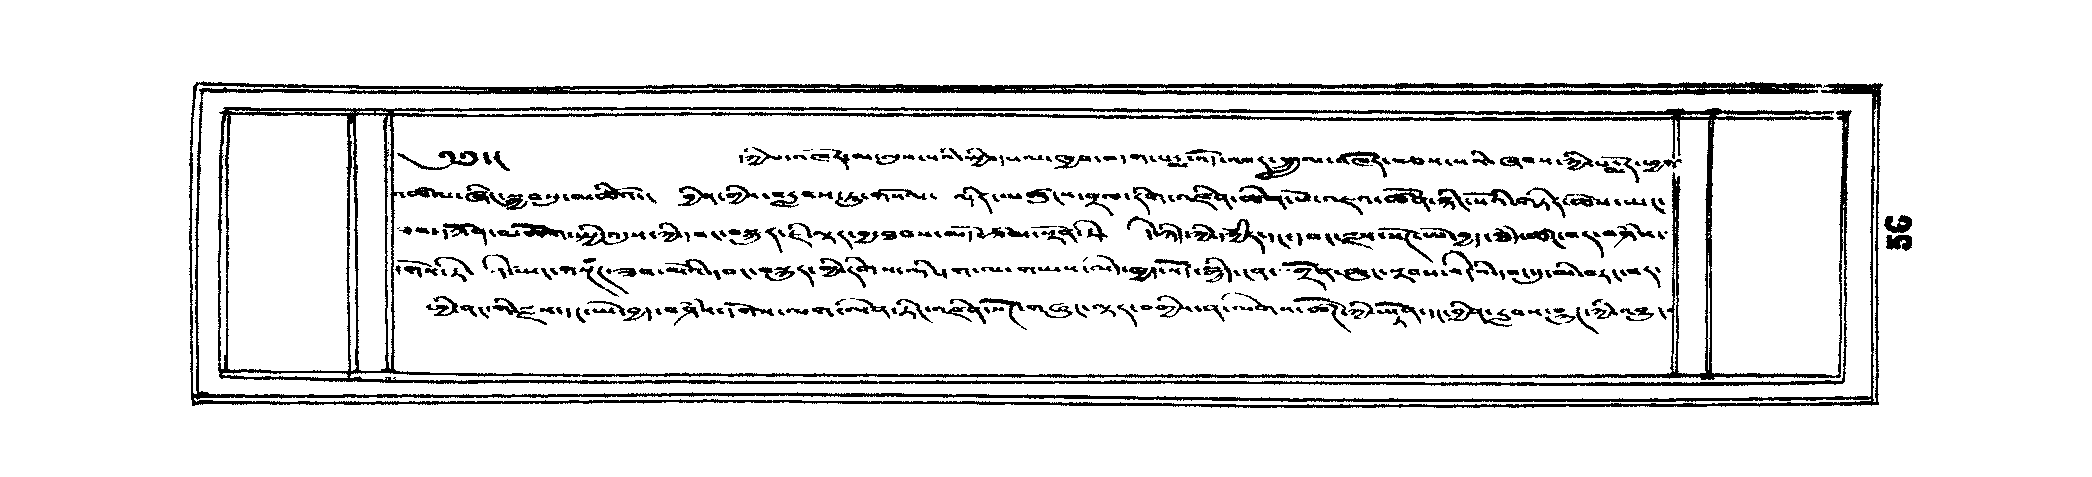དཀྱིལ་འཁོར་མ་ལུས་པའི་སྤྱི་དཔལ་ཁྱབ་བདག་པདྨ་འོད་འབར་སྤྲུལ་འཁོར་བཅས་པའི་ཞབས་ཀྱི་པདྨོར་ཕྱག་
འཚལ་ཞིང་སྐྱབས་སུ་མཆིའོ། བྱིན་གྱིས་བརླབ་ཏུ་གསོལ། འདིར་མཚུངས་བྲལ་རིག་འཛིན་ཆེན་པོ་འཇའ་ཚོན་སྙིང་པོའི་གཏེར་ཆོས་ཡང་
ཟབ་དཀོན་མཆོག་སྤྱི་འདུས་ཀྱི་དབང་བསྐུར་ཇི་ལྟར་བྱ་ཐབས་མདོ་ཙམ་སྟོན་ཏེ། དེ་ཉིད་ཀྱི་དཀྱིལ་འཁོར་དང་བཅས་དབང་རྫས་སོགས་ཡོ་བྱད་ཐམས་ཅད་ཚང་བར་བཤམས་
དགོས་ཏེ། དེ་ཡང་གསང་སྔགས་ཟབ་མོའི་དབང་བསྐུར་གྱི་རིགས་འདི་དག་ལ་གཡས་མེད་ཁྱད་སོད་སྒྱིད་ངན་གྲོན་ཆུང་སྟབས་བདེའི་དབང་དུ་མི་བཏང་བར་
ཕྱི་ནང་གི་རྫས་དང་ཡོ་བྱད་བཤམས་དགོས་ལག་ལེན་ཏིང་འཛིན་སོགས་གཞུང་ལྟར་བགྱིས་ན་ལེགས་ཚོགས་ཀྱི་ཡོན་ཏན་དང་བྱིན་རླབས་ཤུགས་ཀྱི་འབྱུང་།